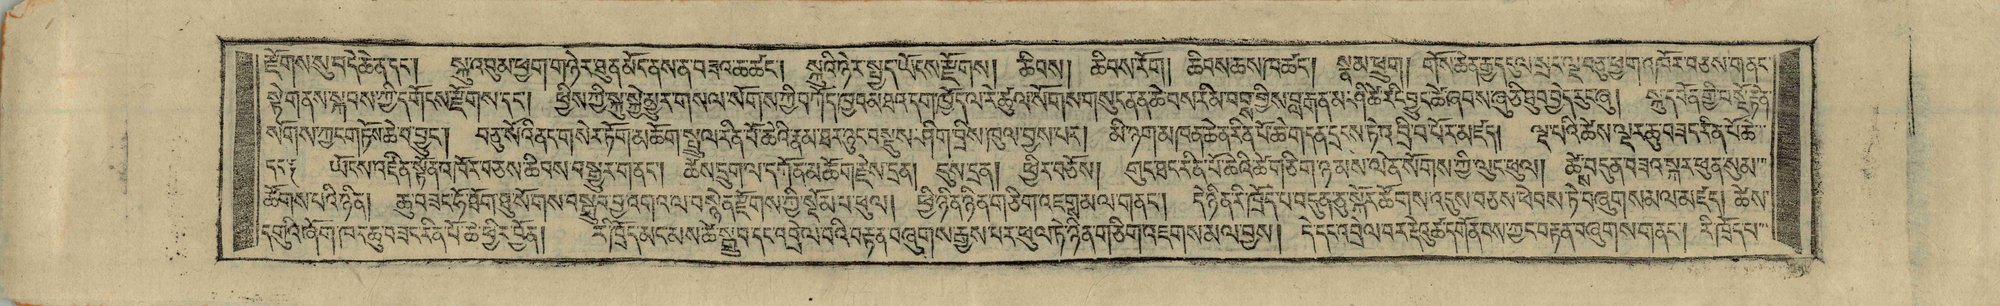རྫོགས་སུ་བདེ་ཆེན་དང་། སྐུ་འབུམ་ཕྱག་གཉེར་ཐུན་མོང་ནས་ན་བཟའ་ཆ་ཚང་། སྐུའི་ཉེར་སྤྱད་ཡོངས་རྫོགས། ཆིབས། ཆིབས་རོག །ཆིབས་ཆས་ཁ་ཚང་། སྣམ་ཕྲུག །གོས་ཆེན་རྒྱ་དངུལ་སྲང་ལྔ་བཅུ་ཕྱག་འཁོར་བཅས་གནང་
སྟེ་གནས་སྐབས་ཀྱི་དགོངས་རྫོགས་དང་། ཕྱིས་ཀྱི་སྐུ་སྐྱེ་མྱུར་གསལ་སོགས་ཀྱི་བཀོད་ཁྱབ་མཐའ་དག་ཁྱོད་ལ་རེ་ཚུལ་སོགས་གསུང་ནན་ཆེ་བས་རིམ་བབས་བྱིས་བླ་རྒན་མ་ཤི་ཚེ་རིང་བྱུང་ཚེ་ཞབས་ཞུ་ཅི་ཐུབ་བྱེད་རུང་ཞུ། སྐུ་དཔོན་གྱི་བསྔོ་རྟེན་
སོགས་ཀྱང་གཏོས་ཆེ་བ་བྱུང་། བཅུ་སོའི་ནང་གསེར་ཏོག་མཆོག་སྤྲུལ་རིན་པོ་ཆེའི་རྣམ་ཐར་ཉུང་བསྡུས་ཤིག་བྲིས་ཁུལ་བྱས་པར། མི་ཉག་མཁན་ཆེན་རིན་པོ་ཆེ་གདན་དྲངས་ཏེ་འབྲི་བ་པོར་མཛད། ལྔ་པའི་ཚེས་ལྔར་ཆུ་བཟང་རིན་པོ་ཆེ་
དང༑ ཡོངས་འཛིན་སྟོན་འཁོར་བཅས་ཆིབས་བསྒྱུར་གནང་། ཚེས་དྲུག་ལ་དཀོན་མཆོག་རྗེས་དྲན། དུས་དྲན། ཕྱིར་བཅོས། གུང་ཐང་རིན་པོ་ཆེའི་ཚེ་གཅིག་ཉམས་ལེན་སོགས་ཀྱི་ལུང་ཕུལ། ཚེས་བདུན་བཟའ་སྐར་ཕུན་སུམ་
ཚོགས་པའི་ཉིན། ཆུ་བཟང་ཧོ་ཐོག་ཐུ་སོགས་བསྒྲུབ་བྱ་འགའ་ལ་བསྙེན་རྫོགས་ཀྱི་སྡོམ་པ་ཕུལ། ཕྱི་ཉིན་ཉིན་གཅིག་འཇགས་མལ་གནང་། དེ་ཉིན་ངི་ཁྲོད་པ་བདུན་ཅུ་སྐོར་ཚོགས་འདུས་བཅས་ཕེབས་ཏེ་བཞུགས་མལ་མཛད། ཚེས་
དགུའི་ཞོག་ཁར་ཆུ་བཟང་རིན་པོ་ཆེ་ཕྱིར་བྱོན། རི་ཁྲོད་མང་མས་ཚེ་སྒྲུབ་དང་འབྲེལ་བའི་བརྟན་བཞུགས་རྒྱས་པར་ཕུལ་ཏེ་ཉིན་གཅིག་འཇགས་མལ་བྱས། དེ་དང་འབྲེལ་བར་རྡེའུ་ཚ་དགོན་བས་ཀྱང་བརྟན་བཞུགས་གནང་། རི་ཁྲོད་པ་